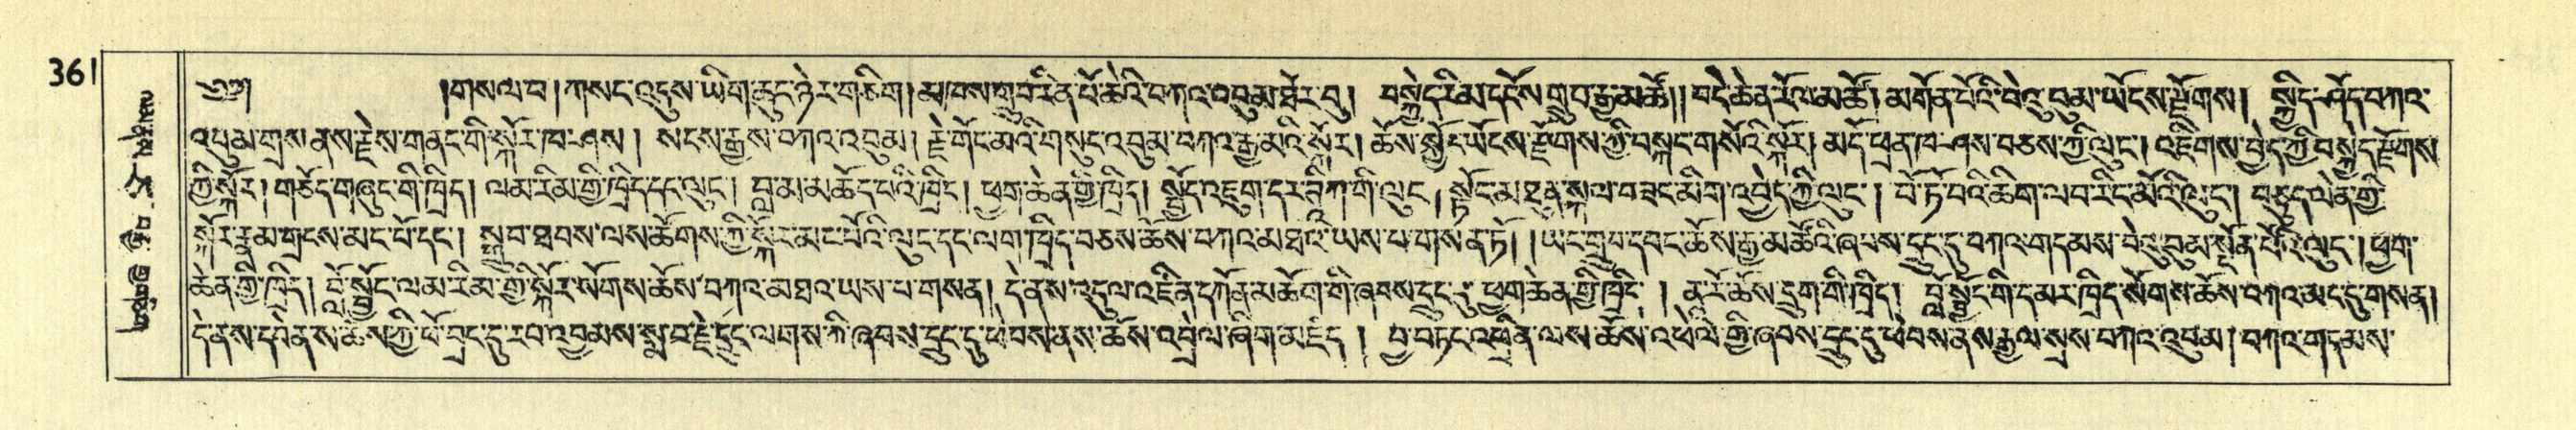༄༅། །གསལ་བ། གསང་འདུས་ཡིག་ཆུང་ཉེར་གཅིག། མཁས་གྲུབ་རིན་པོ་ཆེའི་བཀའ་འབུམ་ཐོར་བུ། བསྐྱེད་རིམ་དངོས་གྲུབ་རྒྱ་མཚོ། །བདེ་ཆེན་རོལ་མཚོ། མགོན་པོའི་བེའུ་བུམ་ཡོངས་རྫོགས། སྐྱིད་ཤོད་བཀའ་
འབུམ་གྲས་ནས་རྗེས་གནང་གི་སྐོར་ཁ་ཤས། སངས་རྒྱས་བཀའ་འབུམ། རྗེ་གོང་མའི་གསུང་འབུམ་བཀའ་རྒྱ་མའི་སྐོར། ཆོས་སྐྱོང་ཡོངས་རྫོགས་ཀྱི་བསྐང་གསོའི་སྐོར། མདོ་ཕྲན་ཁ་ཤས་བཅས་ཀྱི་ལུང་། འཇིགས་བྱེད་ཀྱི་བསྐྱེད་རྫོགས་
ཀྱི་སྐོར། གཅོད་གཞུང་གི་ཁྲིད། ལམ་རིམ་གྱི་ཁྲིད་དང་ལུང་། བླ་མ་མཆོད་པའི་ཁྲིད། ཕྱག་ཆེན་གྱི་ཁྲིད། སྤྱོད་འཇུག་དར་ཊཱིཀ་གི་ལུང་། སྟོང་མཐུན་སྐལ་བཟང་མིག་འབྱེད་ཀྱི་ལུང་། པོ་ཏོ་བའི་ཆིག་ལབ་རིང་མོའི་ལུང་། བཅུད་ལེན་གྱི་
སྐོར་རྣམ་གྲངས་མང་པོ་དང་། སྒྲུབ་ཐབས་ལས་ཚོགས་ཀྱི་སྐོར་མང་པོའི་ལུང་དང་ལག་ཁྲིད་བཅས་ཆོས་བཀའ་མཐའ་ཡས་པ་གསན་ཏོ། །ཡང་གྲུབ་དབང་ཆོས་རྒྱ་མཚོའི་ཞབས་དྲུང་དུ་བཀའ་གདམས་བེའུ་བུམ་སྔོན་པོའི་ལུང་།ཕྱག་
ཆེན་གྱི་ཁྲིད། བློ་སྦྱོང་ལམ་རིམ་གྱི་སྐོར་སོགས་ཆོས་བཀའ་མཐའ་ཡས་པ་གསན། དེ་ནས་འདུལ་འཛིན་དཀོན་མཆོག་གི་ཞབས་དྲུང་དུ་ཕྱག་ཆེན་གྱི་ཁྲིད། ནཱ་རོ་ཆོས་དྲུག་གི་ཁྲིད། བློ་སྦྱོང་གི་དམར་ཁྲིད་སོགས་ཆོས་བཀའ་མང་དུ་གསན།
དེ་ནས་དབེན་ས་ཆོས་ཀྱི་ཕོ་བྲང་དུ་རབ་འབྱམས་སྨ་བ་རྗེ་དྲུང་ལགས་ཀྱི་ཞབས་དྲུང་དུ་ཕེབས་ནས་ཆོས་འབྲེལ་ཞིག་མཛད། བྱ་བཏང་འཕྲིན་ལས་ཆོས་འཕེལ་གྱི་ཞབས་དྲུང་དུ་ཕེབས་ནས་རྒྱལ་སྲས་བཀའ་འབུམ། བཀའ་གདམས་